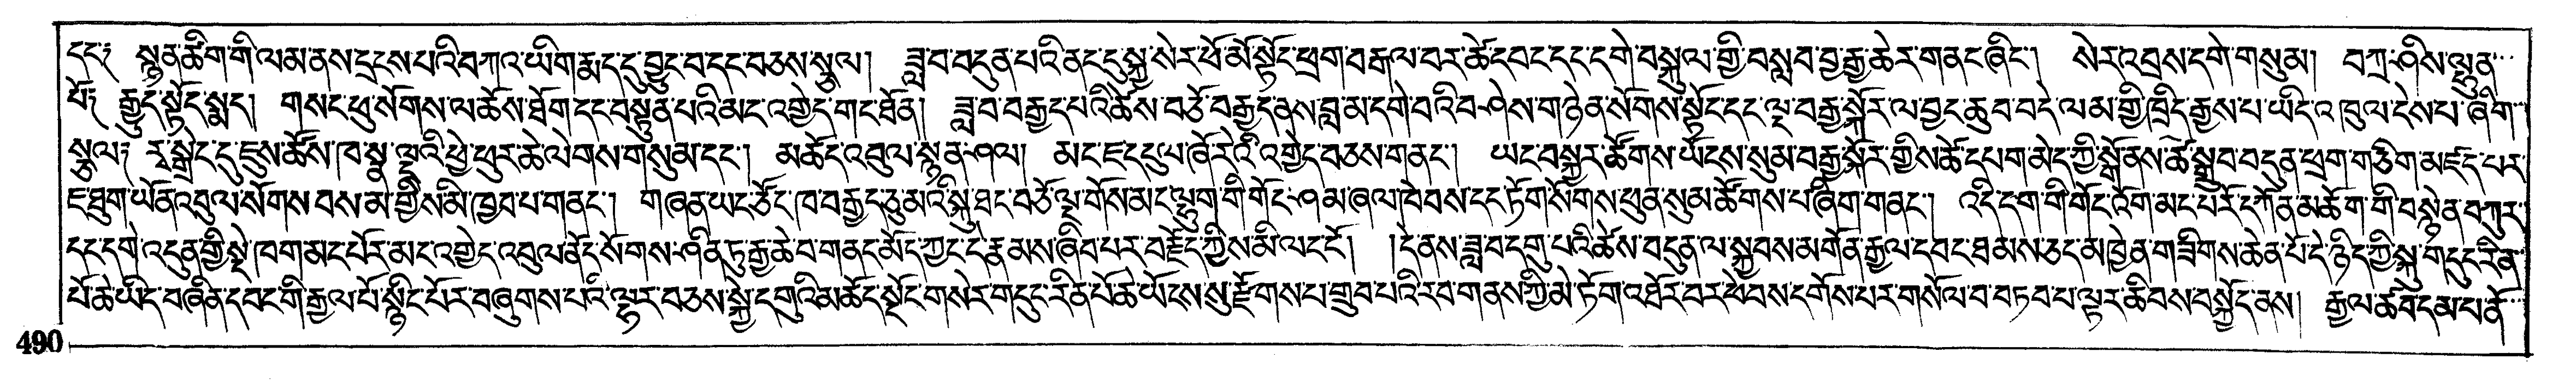དང༑ སྙན་ཚིག་གི་ལམ་ནས་དྲངས་པའི་བཀའ་ཡིག་རྨད་དུ་བྱུང་བ་དང་བཅས་སྩལ། ཟླ་བ་བདུན་པའི་ནང་དུ་སྐྱ་སེར་ཕོ་མོ་སྟོང་ཕྲག་བརྒལ་བར་ཚེ་དབང་དང་དགེ་བསྐུལ་གྱི་བསླབ་བྱ་རྒྱ་ཆེར་གནང་ཞིང་། སེར་འབྲས་དགེ་གསུམ། བཀྲ་ཤིས་ལྷུན་
པོ༑ རྒྱུད་སྟོད་སྨད། གསང་ཕུ་སོགས་ལ་ཆོས་ཐོག་དང་བསྟུན་པའི་མང་འགྱེད་གང་ཐོན། ཟླ་བ་བརྒྱད་པའི་ཚེས་བཅོ་བརྒྱད་ནས་བླ་མ་དགེ་བའི་བཤེས་གཉེན་སོགས་སྟོང་དང་ལྔ་བརྒྱ་སྐོར་ལ་བྱང་ཆུབ་བདེ་ལམ་གྱི་ཁྲིད་རྒྱས་པ་ཡིད་འཁུལ་ངེས་པ་ཞིག་
སྩལ། རྭ་སྒྲེང་དུ་ཇུས་ཚོས་ཁ་སྣ་ལྔའི་ཕྱེ་ཕུར་ཆེ་ལེགས་གསུམ་དང་། མཆོད་འབུལ་སྙན་ཤལ། མང་ཇ་དངུལ་ཞོ་རེའི་འགྱེད་བཅས་གནང་། ཡང་བསྐྱར་ཚོགས་ཡོངས་སུམ་བརྒྱ་སྐོར་གྱིས་ཚེ་དཔག་མེད་ཀྱི་སྒོ་ནས་ཚེ་སྒྲུབ་བདུན་ཕྲག་གཅིག་མཛད་པར་
ཇ་ཐུག་ཡོན་འབུལ་སོགས་བསམ་གྱིས་མི་ཁྱབ་པ་གནང་། གཞན་ཡང་ཙོང་ཁ་བརྒྱད་ཅུ་མའི་སྐུ་ཐང་བཅོ་ལྔ་གོས་མང་ལྷུག་གི་གོང་ཤམ་ཞལ་ཁེབས་དང་ཏོག་སོགས་ཕུན་སུམ་ཚོགས་པ་ཞིག་གནང་། འདི་དག་གི་གོང་འོག་མང་པོར་དཀོན་མཆོག་གི་བསྙེན་བཀུར་
དང་དགེ་འདུན་གྱི་སྡེ་ཁག་མང་པོར་མང་འགྱེད་འབུལ་ནོད་སོགས་ཤིན་ཏུ་རྒྱ་ཆེ་བ་གནང་མོད་ཀྱང་དེ་རྣམས་ཞིབ་པར་བརྗོད་ཀྱིས་མི་ལང་ངོ། །དེ་ནས་ཟླ་བ་དགུ་པའི་ཚེས་བདུན་ལ་སྐྱབས་མགོན་རྒྱལ་དབང་ཐམས་ཅད་མཁྱེན་གཟིགས་ཆེན་པོ་དེ་ཉིད་ཀྱི་སྐུ་གདུང་རིན་
པོ་ཆེ་ཡིད་བཞིན་དབང་གི་རྒྱལ་པོ་སྙིང་པོར་བཞུགས་པའི་ལྷར་བཅས་སྐྱེ་དགུའི་མཆོད་སྡོང་གསེར་གདུང་རིན་པོ་ཆེ་ཡོངས་སུ་རྫོགས་པ་གྲུབ་པའི་རབ་གནས་ཀྱི་མེ་ཏོག་འཐོར་པར་ཕེབས་དགོས་པར་གསོལ་བ་བཏབ་པ་ལྟར་ཆིབས་བསྐྱོད་ནས། རྒྱལ་ཚབ་དམ་པ་ནོ་